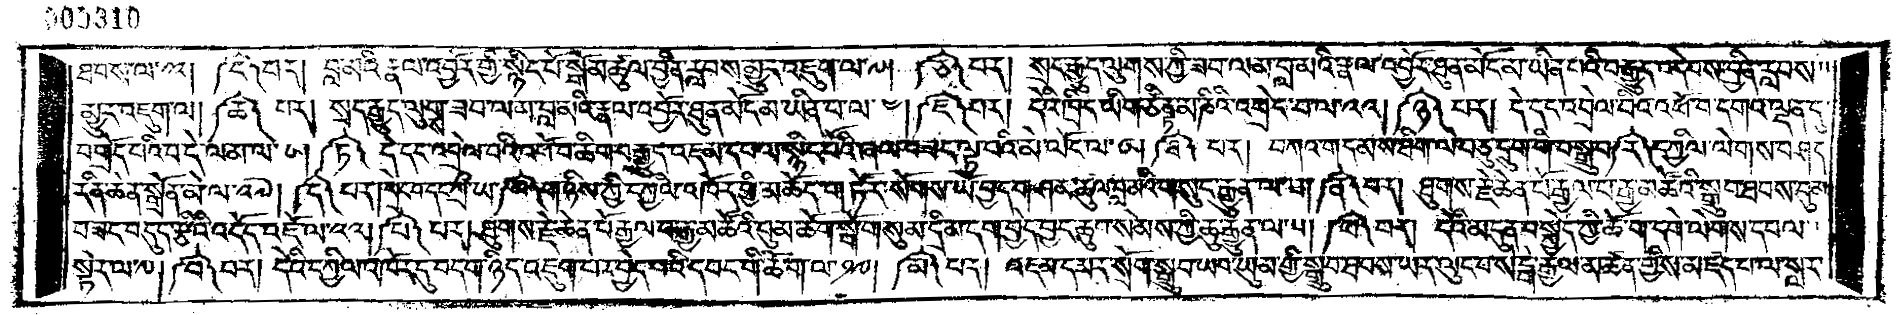ཐབས་ལ ༣། ༼ང༽ བར། བླ་མའི་རྣལ་འབྱོར་གྱི་སྙིང་པོ་སྒོམ་ཚུལ་བྱིན་རླབས་མྱུར་འཇུག་ལ ༧། ༼ཅ༽ པར། སྲད་རྒྱུད་ལུགས་ཀྱི་ཟབ་ལམ་བླ་མའི་རྣལ་འབྱོར་ཐུན་མོང་མ་ཡིན་པའི་བརྒྱུད་འདེབས་བྱིན་རླབས་
མྱུར་འཇུག་ལ། ༼ཆ༽ པར། སྲད་རྒྱུད་ལུགས་ཟབ་ལམ་བླ་མའི་རྣལ་འབྱོར་ཐུན་མོང་མ་ཡིན་པ་ལ ༤། ༼ཇ༽ པར། དེའི་ཁྲིད་ཡིག་ཙིནྟ་མ་ཎིའི་འཕྲེང་བ་ལ ༢༢། ༼ཉ༽ པར། དེ་དང་འབྲེལ་བའི་འཕོ་བ་དགའ་ལྡན་དུ་
བགྲོད་པའི་བདེ་ལམ་ལ ༦། ༼ཏ༽ དེ་དང་འབྲེལ་བའི་འཕོ་བ་ཆིག་བརྒྱུད་འཇམ་དཔལ་སྙིང་པོའི་ཞལ་བཟང་ལྟ་བའི་མེ་ལོང་ལ ༦། ༼ཐ༽ པར། བཀའ་གདམས་ཐིག་ལེ་བཅུ་དྲུག་གི་བསྒྲུབ ༼ར༽ དཀྱིལ་ལེགས་བཤད་
རིན་ཆེན་སྒྲོན་མེ་ལ ༢༧། ༼ད༽ པར། ཕྲེང་བ་དང་ཀྲྀ་ཡ ༼མ༽ གཉིས་ཀྱི་དཀྱིལ་འཁོར་གྱི་མཆོག་གཏོར་སོགས་ཡོ་བྱད་གཤམ་ཚུལ་བླ་མའི་གསུང་རྒྱུན་ལ ༥། ༼ན༽ པར། ཐུགས་རྗེ་ཆེན་པོ་རྒྱལ་བ་རྒྱ་མཚོའི་སྒྲུབ་ཐབས་བུམ་
བཟང་བདུད་རྩིའི་འདོད་འཇོ་ལ ༢༢། ༼པ༽ པར། ཐུགས་རྗེ་ཆེན་པོ་རྒྱལ་བ་རྒྱ་མཚོའི་བུམ་ཆོ་ག་སྒོ་གསུམ་དྲི་མ་དག་བྱེད་བྱང་ཆུབ་སེམས་ཀྱི་ཆུ་རྒྱུན་ལ ༥། ༼ཕ༽ པར། དེའི་མདུན་བསྐྱེད་ཀྱི་ཆོ་ག་དགེ་ལེགས་དཔལ་
སྟེར་ལ ༧། ༼བ༽ པར། དེའི་དཀྱིལ་འཁོར་དུ་བདག་ཉིད་འཇུག་པར་བྱེད་པའི་དབང་གི་ཆོ་ག་ལ ༡༧། ༼མ༽ པར། འཇམ་དམར་སྲོག་སྒྲུབ་ཡབ་ཡུམ་གྱི་སྒྲུབ་ཐབས་ཡར་ལུང་བ་སེངྒེ་རྒྱལ་མཚན་གྱིས་མཛད་པ་ལ་སླར་